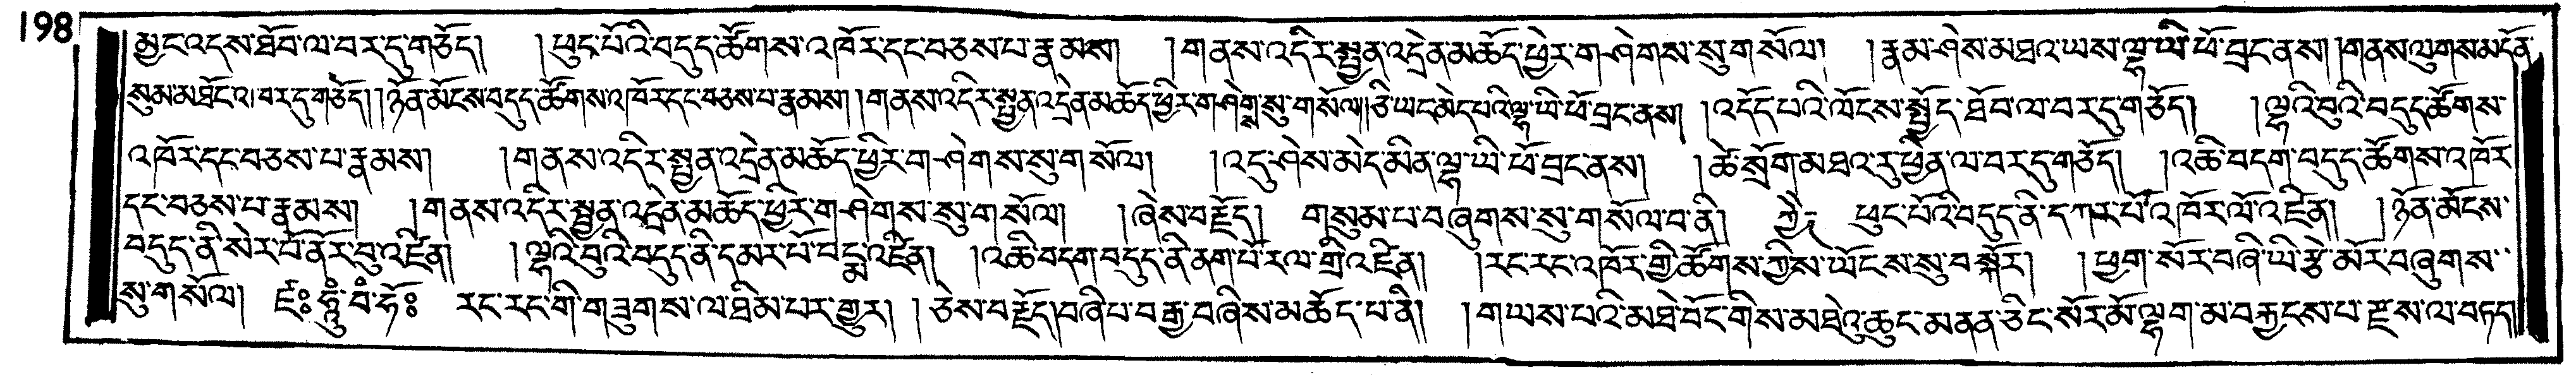མྱང་འདས་ཐོབ་ལ་བར་དུ་གཅོད། །ཕུང་པོའི་བདུད་ཚོགས་འཁོར་དང་བཅས་པ་རྣམས། །གནས་འདིར་སྤྱན་འདྲེན་མཆོད་ཕྱེར་གཤེགས་སུ་གསོལ། །རྣམ་ཤེས་མཐའ་ཡས་ལྷ་ཡི་ཕོ་བྲང་ནས། །གནས་ལུགས་མངོན་
སུམ་མཐོང་འཁོར་དུ་གཅོད། །ཉོན་མོངས་བདུད་ཚོགས་འཁོར་དང་བཅས་པ་རྣམས། །གནས་འདིར་སྤྱན་འདྲེན་མཆོད་ཕྱིར་གཤེགས་སུ་གསོལ། །ཅི་ཡང་མེད་པའི་ལྷ་ཡི་ཕོ་བྲང་ནས། །འདོད་པའི་ལོངས་སྤྱོད་ཐོབ་ལ་བར་དུ་གཅོད། །ལྷའི་བུའི་བདུད་ཚོགས་
འཁོར་དང་བཅས་པ་རྣམས། །གནས་འདིར་སྤྱན་འདྲེན་མཆོད་ཕྱིར་གཤེགས་སུ་གསོལ། །འདུ་ཤེས་མེད་མིན་ལྷ་ཡི་ཕོ་བྲང་ནས། །ཚེ་སྲོག་མཐའ་རུ་ཕྱིན་ལ་བར་དུ་གཅོད། །འཆི་བདག་བདུད་ཚོགས་འཁོར་
དང་བཅས་པ་རྣམས། །གནས་འདིར་སྦྱན་འདྲེན་མཆོད་ཕྱིར་གཤེགས་སུ་གསོལ། །ཞེས་བརྗོད། གསུམ་པ་བཞུགས་སུ་གསོལ་བ་ནི། ཀྱཻ༑ ཕུང་པོའི་བདུད་ནི་དཀར་པོ་འཁོར་ལོ་འཛིན། །ཉོན་མོངས་
བདུད་ནི་སེར་བོ་ནོར་བུ་འཛིན། །ལྷའི་བུའི་བདུད་ནི་དམར་པོ་པདམ་འཛིན། །འཆི་བདག་བདུད་ནི་ནག་པོ་རལ་གྲི་འཛིན། །རང་རང་འཁོར་གྱི་ཚོགས་ཀྱིས་ཡོངས་སུ་བསྐོར། །ཕྱག་སོར་བཞི་ཡི་རྩེ་མོར་བཞུགས་
སུ་གསོལ། ཛཿ ཧཱུཾ་བཾ་ཧོཿ རང་རང་གི་གཟུགས་ལ་ཐིམ་པར་གྱུར། །ཅེས་བརྗོད། བཞི་པ་བརྒྱ་བཞིས་མཆོད་པ་ནི། །གཡས་པའི་མཐེ་བོང་གིས་མཐེའུ་ཆུང་མནན་ཅིང་སོར་མོ་ལྷག་མ་བརྐྱངས་པ་རྫས་ལ་བཏད།